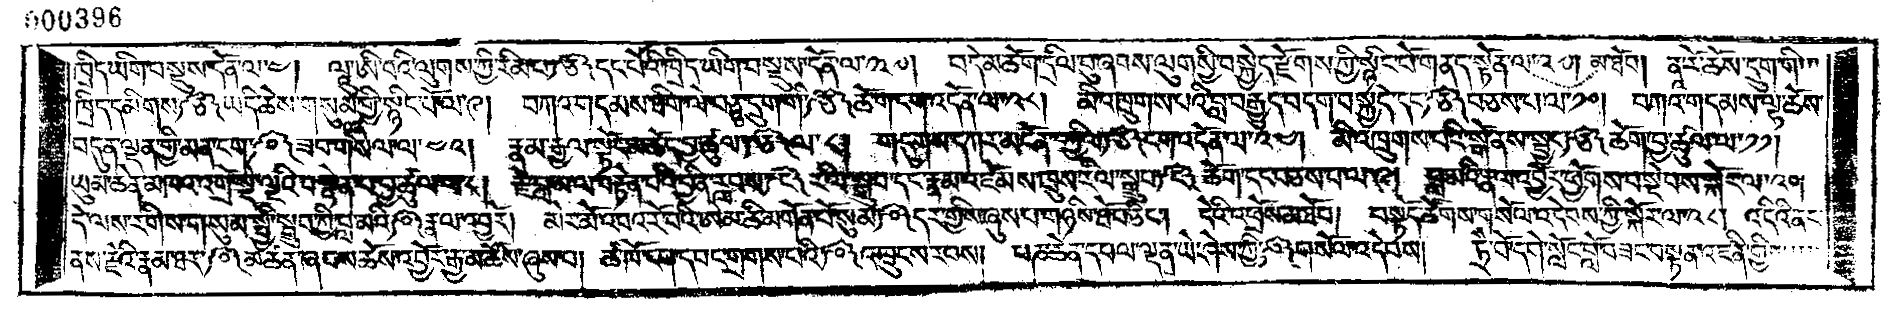ཁྲིད་ཡིག་བསྡུས་དོན་ལ ༤། ལཱུ་ཨི་བའི་ལུགས་ཀྱི་རིམ་པ ༼ཅ༽ དང་པོའི་ཁྲིད་ཡིག་བསྡུས་དོན་ལ ༣༧། བདེ་མཆོག་དྲིལ་བུ་ཞབས་ལུགས་ཡི་བསྐྱེད་རྫོགས་ཀྱི་སྙིང་པོ་གནད་སྟོན་ལ ༢༧། མ་ཐོབ།  ནཱ་རོ་ཆོས་དྲུག་གི་
ཁྲིད་དམིགས ༼ཅ༽ ཡིད་ཆེས་གསུམ་གྱི་སྙིང་པོ་ལ༩། བཀའ་གདམས་ཐིག་ལེ་བཅུ་དྲུག་གི ༼ཅ༽ ཆོ་ག་ངག་འདོན་ལ ༢༨། མི་འཁྲུགས་པའི་བླ་བརྒྱུད་བདག་བསྐྱེད་དང ༼ཅ༽ བཅས་པ་ལ ༡༠། བཀའ་གདམས་ལྷ་ཆོས་
བདུན་ལྡན་གྱི་མན་ངག་ཟབ་གསལ་ལ ༤༢། རྣམ་རྒྱལ་སྟོང་མཆོད་བྱ་ཚུལ ༼ཅ༽ ལ ༨། གདུགས་དཀར་མངོན་དཀྱིལ ༼ཅ༽ ངག་འདོན་ལ ༢༤། མི་འཁྲུགས་པའི་སྒོ་ནས་སྦྱང ༼ཅ༽ ཆོག་བྱ་ཚུལ་ལ ༡༡།
ཡུམ་ཆེན་མཁའ་འགྲོ་སྡེ་ལྔའི་བསྙེན་པ་བྱ་ཚུལ་ལ ༨། རྗེ་བླ་མ་ལ་བརྟེན་པའི་བྱིན་རླབས ༼ང༽ རིལ་སྒྲུབ་དང་རྣམ་འཇོམས་ཁྲུས་རིལ་སྒྲུབ ༼ང༽ ཆོག་དང་བཅས་པ་ལ ༩། བླ་མའི་རྣལ་འབྱོར་ཕྱོགས་བསྡེབས་སྐོར་ལ ༢༠།
དེ་ལས་རིགས་གསུམ་སྤྱི་སྒྲུབ་ཀྱི་བླ་མའི་རྣལ་འབྱོར། མེར་མོ་འབའ་རོ་བའི་ཨེམ་ཆི་མགོན་པོ་སུམ་དར་གྱིས་ཞུས་པ་གཉིས་ཐོབ་ཅིང་། དེའི་འཕྲོས་མ་ཐོབ། བསྟོད་ཚོགས་གསོལ་འདེབས་ཀྱི་སྐོར་ལ ༢༨། འདིའི་ནང་
ནས་རྗེའི་རྣམ་ཐར་མཚན་ཞབས་ཆོས་འབྱོར་རྒྱ་མཚོས་ཞུས་པ། ཚ་ཁོ་ངག་དབང་གྲགས་པའི་འཁྲུངས་རབས། པཎ་ཆེན་དཔལ་ལྡན་ཡེ་ཤེས་ཀྱི་གསོལ་འདེབས། ཏྲཻ་བོ་དགེ་སློང་བློ་བཟང་བསྟན་འཛིན་གྱིས་